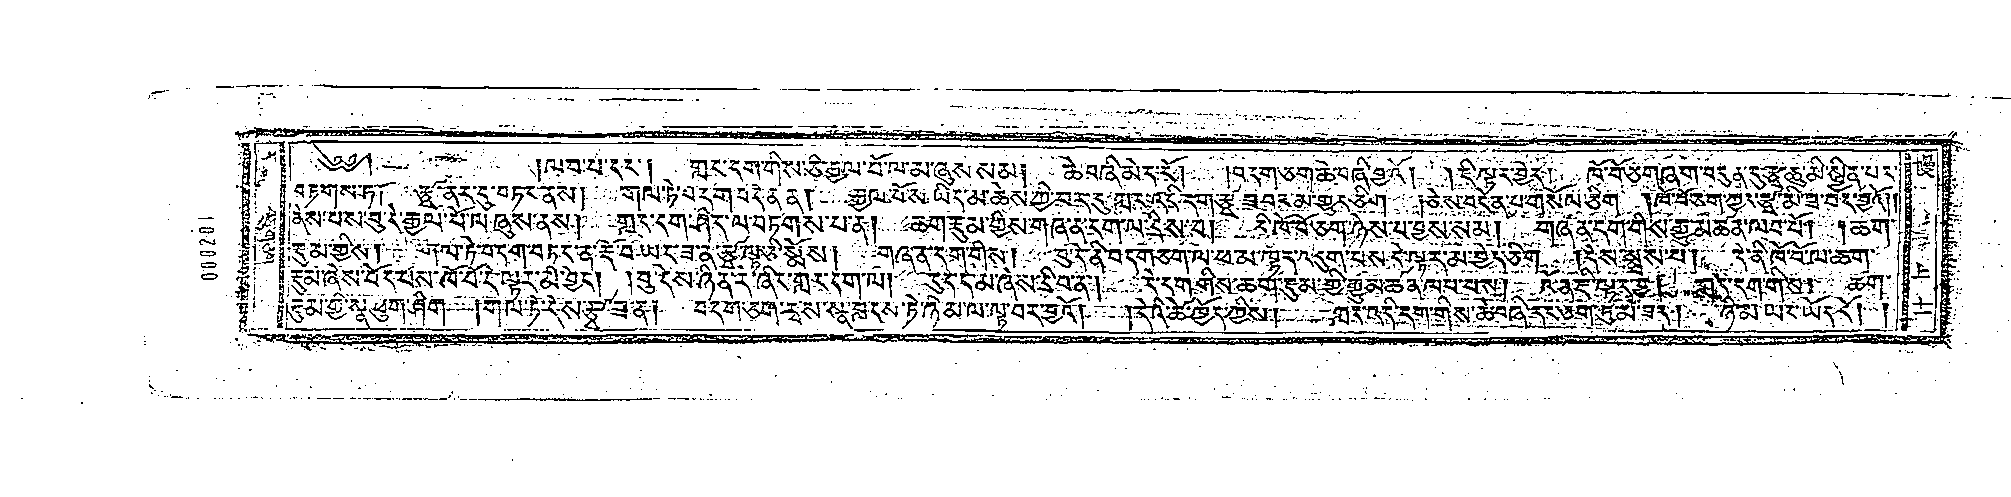༄༅། །ལབ་པ་དང་། གླང་དག་གིས་ཅི་རྒྱལ་པོ་ལ་མ་ཞུས་སམ། ཆེ་བཞི་མེད་དོ། །བདག་ཅག་ཆེ་བཞི་བྱའོ། །ཇི་ལྟར་བྱེད། ཁོ་བོ་ཅ་གཞག་བདུན་དུ་རྩྭ་ཆུ་མི་སྦྱིན་པར་
བཏགས་ཏེ། རྩྭ་ནང་དུ་བཏང་ནས། གལ་ཏེ་བདག་བདེན་ན། རྒྱལ་པོས་ཡིད་མ་ཆེས་ཀྱི་བར་དུ་གླང་འདི་དག་རྩྭ་ཟ་བར་མ་གྱུར་ཅིག །ཅེས་བདེན་པ་གསོལ་ཅིག །ཁོ་བོ་ཅག་ཀྱང་རྩྭ་མི་ཟ་བོར་བྱའོ། །
ཞེས་པས་བུ་དེ་རྒྱལ་པོ་ལ་ཞུས་ནས། གླང་དག་ཤིང་ལ་བཏགས་པ་ན། ཆག་རྡུམ་གྱིས་གཞན་དག་ལ་དྲིས་བ། དི་ཁོ་བོ་ཅག་ཉེས་པ་བྱས་སམ། གཞན་དག་གིས་རྒྱུ་མཚན་ལབ་པོ། །ཆག་
རྡུམ་གྱིས། གལ་ཏེ་བདག་བཏང་ན་རྡོ་བ་ཡང་ཟ་ན་རྩྭ་ལྟ་ཅི་སྨོས། གཞན་དག་གིས། བུ་དེ་ནི་བདག་ཅག་ལ་ཕ་མ་ལྟར་འདུག་པས་དེ་ལྟར་མ་བྱེད་ཅིག །དེས་སྨྲས་པ། དེ་ནི་ཁོ་བོ་ལ་ཆག་
རྡུམ་ཞེས་བོད་པས་ཁོ་བོ་དེ་ལྟར་མི་བྱེད། །བུ་དེས་ཉིན་རེ་ཞིང་གླང་དག་ལ། རུར་ད་མ་ཞེས་དྲི་བ་ན། དེ་དག་གིས་ཆག་རྡུམ་གྱི་རྒྱུ་མཚན་ལབ་པས། འོ་ན་ཇི་ལྟར་བྱ། གླང་དག་གིས། ཆག་
རྡུམ་གྱི་སྣ་ཕུག་ཤིག །གལ་ཏེ་ངེས་རྩྭ་ཟ་ན། བདག་ཅག་རྭས་སྣ་བླངས་ཏེ་ཉི་མ་ལ་ལྟ་བར་བྱའོ། །དེའི་ཚེ་ཁྱོད་ཀྱིས། གླང་འདི་དག་གིས་ཆེ་བཞི་རང་ཅག་ཏུ་མ་ཟད། ཉི་མ་ཡང་ཡོད་དོ། །